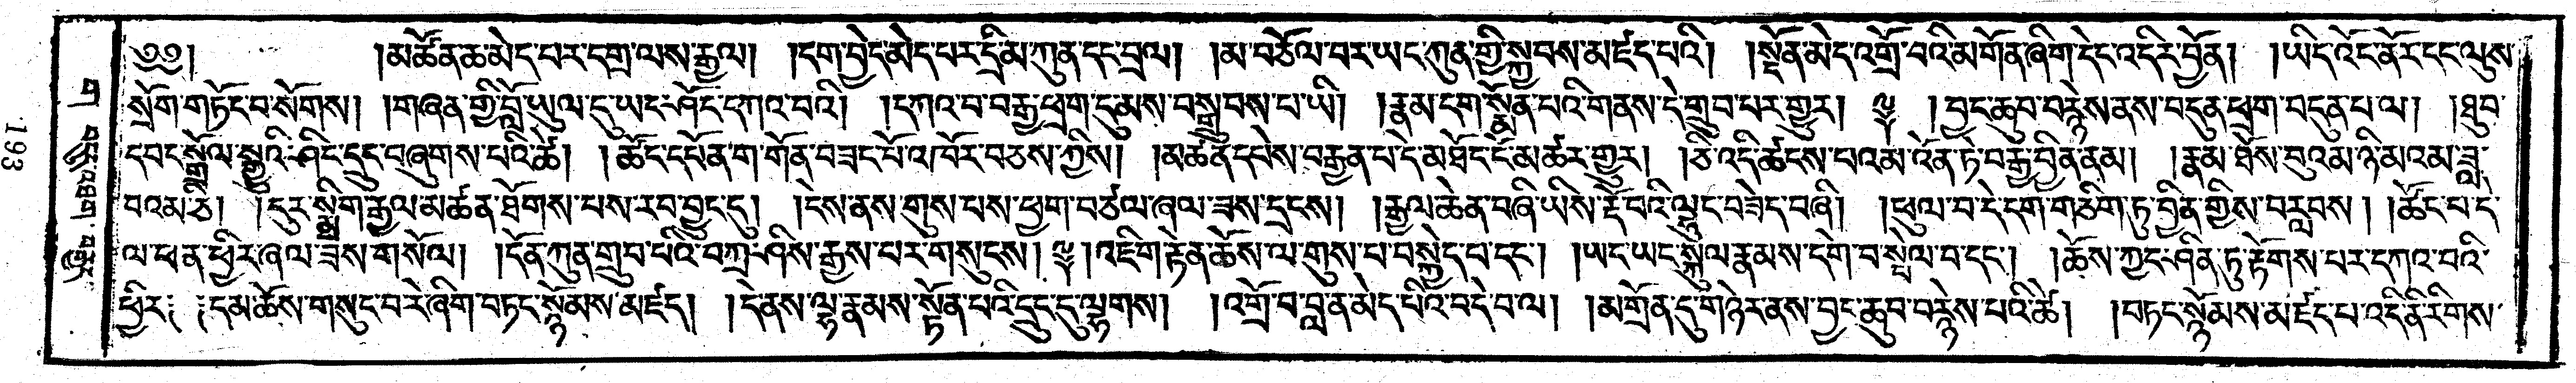༄༅། །མཚོན་ཆ་མེད་པར་དགྲ་ལས་རྒྱལ། །དག་བྱེད་མེད་པར་དྲི་མ་ཀུན་དང་བྲལ། །མ་བཅོལ་བར་ཡང་ཀུན་གྱི་སྐྱབས་མཛད་པའི། །སྔོན་མེད་འགྲོ་བའི་མགོན་ཞིག་དེང་འདིར་བྱོན། །ཡིད་འོང་ནོར་དང་ལུས་
སྲོག་གཏོང་བ་སོགས། །གཞན་གྱི་བློ་ཡུལ་དུ་ཡང་ཤོད་དཀའ་བའི། །དཀའ་བ་བརྒྱ་ཕྲག་དུ་མས་བསྒྲུབས་པ་ཡི། །རྣམ་དག་སྨོན་པའི་གནས་དེ་གྲུབ་པར་གྱུར། ༈ །བྱང་ཆུབ་བརྙེས་ནས་བདུན་ཕྲག་བདུན་པ་ལ། །ཐུབ་
དབང་སྒྲོལ་སྒྱུའི་ཤིང་དྲུང་བཞུགས་པའི་ཚེ། །ཚོང་དཔོན་ག་གོན་བཟང་པོ་འཁོར་བཅས་ཀྱིས། །མཚན་དཔེས་བརྒྱན་པ་དེ་མཐོང་ངོ་མཚར་གྱུར། །ཅི་འདི་ཚངས་པའམ་འོན་ཏེ་བརྒྱ་བྱིན་ནམ། །རྣམ་ཐོས་བུའམ་ཉི་མའམ་ཟླ་
བའམ་ཅི། །དུར་སྨྲིག་རྒྱལ་མཚན་ཐོགས་པས་རབ་བྱུང་དུ། །ངེས་ནས་གུས་པས་ཕྱག་བཙལ་ཞལ་ཟས་དྲངས། །རྒྱལ་ཆེན་བཞི་ཡིས་རྡོ་བའི་ལྷུང་བཟེད་བཞི། །ཕུལ་བ་དེ་དག་གཅིག་ཏུ་བྱིན་གྱིས་བརླབས། །ཚོང་བ་དེ་
ལ་ཕན་ཕྱིར་ཞལ་ཟས་གསོལ། །དོན་ཀུན་གྲུབ་པའི་བཀྲ་ཤིས་རྒྱས་པར་གསུངས། ༈ །འཇིག་རྟེན་ཆོས་ལ་གུས་པ་བསྐྱེད་པ་དང་། །ཡང་ཡང་སྐུལ་རྣམས་དགེ་བ་སྤེལ་བ་དང་། །ཆོས་ཀྱང་ཤིན་ཏུ་རྟོགས་པར་དཀའ་བའི་
ཕྱིར༑ ༑དམ་ཆོས་གསུང་བ་རེ་ཞིག་བཏང་སྙོམས་མཛད། །དེ་ནས་ལྷ་རྣམས་སྟོན་པའི་དྲུང་དུ་ལྷགས། །འགྲོ་བ་བླ་ན་མེད་པའི་བདེ་བ་ལ། །མགྲོན་དུ་གཉེར་ནས་བྱང་ཆུབ་བརྙེས་པའི་ཚེ། །བཏང་སྙོམས་མཛད་པ་འདི་ནི་རིགས་